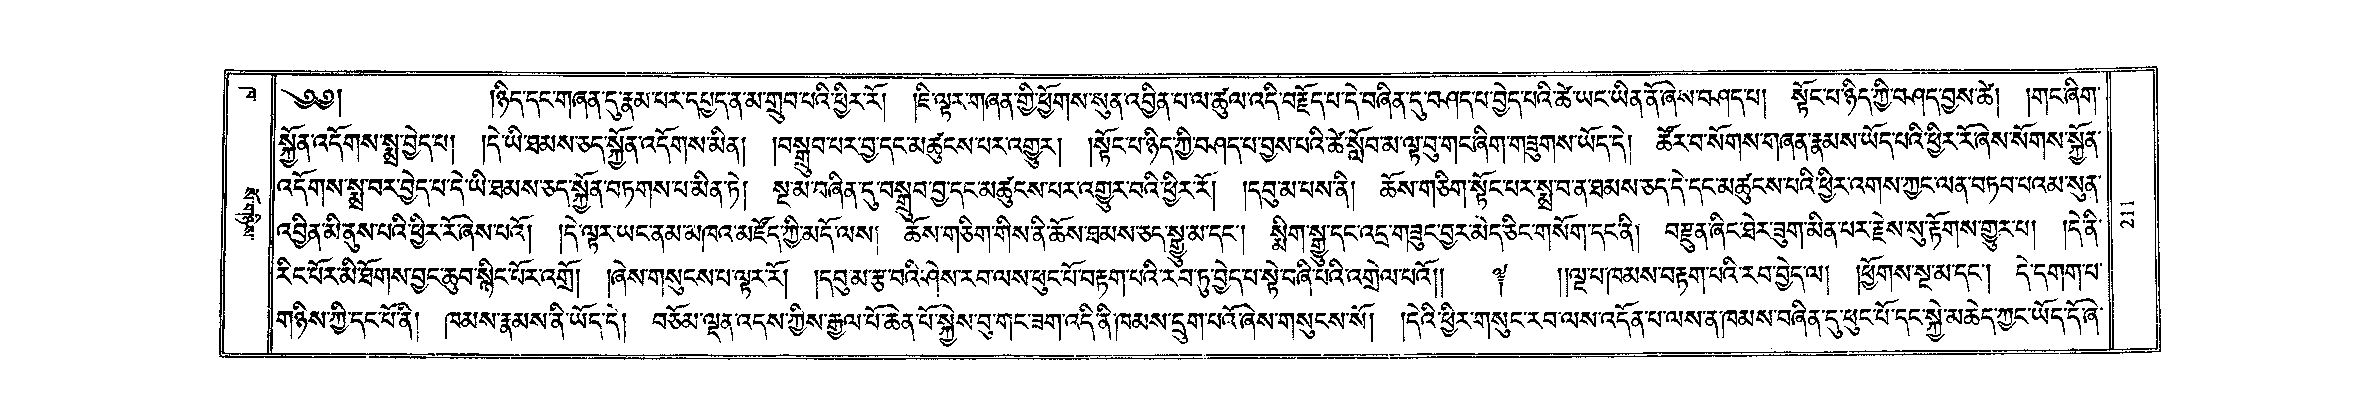༄༅། །ཉིད་དང་གཞན་དུ་རྣམ་པར་དཔྱད་ན་མ་གྲུབ་པའི་ཕྱིར་རོ། །ཇི་ལྟར་གཞན་གྱི་ཕྱོགས་སུན་འབྱིན་པ་ལ་ཚུལ་འདི་བརྗོད་པ་དེ་བཞིན་དུ་བཤད་པ་བྱེད་པའི་ཚེ་ཡང་ཡིན་ནོ་ཞེས་བཤད་པ། སྟོང་པ་ཉིད་ཀྱི་བཤད་བྱས་ཚེ། །གང་ཞིག་
སྐྱོན་འདོགས་སྨྲ་བྱེད་པ། །དེ་ཡི་ཐམས་ཅད་སྐྱོན་འདོགས་མིན། །བསྒྲུབ་པར་བྱ་དང་མཚུངས་པར་འགྱུར། །སྟོང་པ་ཉིད་ཀྱི་བཤད་པ་བྱས་པའི་ཚེ་སློབ་མ་ལྟ་བུ་གང་ཞིག་གཟུགས་ཡོད་དེ། ཚོར་བ་སོགས་གཞན་རྣམས་ཡོད་པའི་ཕྱིར་རོ་ཞེས་སོགས་སྐྱོན་
འདོགས་སྨྲ་བར་བྱེད་པ་དེ་ཡི་ཐམས་ཅད་སྐྱོན་བཏགས་པ་མིན་ཏེ། སྔ་མ་བཞིན་དུ་བསྒྲུབ་བྱ་དང་མཚུངས་པར་འགྱུར་བའི་ཕྱིར་རོ། །དབུ་མ་པས་ནི། ཆོས་གཅིག་སྟོང་པར་སྨྲ་བ་ན་ཐམས་ཅད་དེ་དང་མཚུངས་པའི་ཕྱིར་འགས་ཀྱང་ལན་བཏབ་པའམ་སུན་
འབྱིན་མི་ནུས་པའི་ཕྱིར་རོ་ཞེས་པའོ། །དེ་ལྟར་ཡང་ནམ་མཁའ་མཛོད་ཀྱི་མདོ་ལས། ཆོས་གཅིག་གིས་ནི་ཆོས་ཐམས་ཅད་སྒྱུ་མ་དང་། སྨིག་སྒྱུ་དང་འདྲ་གཟུང་བྱར་མེད་ཅིང་གསོག་དང་ནི། བརྫུན་ཞིང་ཐེར་ཟུག་མིན་པར་རྗེས་སུ་རྟོགས་གྱུར་པ། །དེ་ནི་
རིང་པོར་མི་ཐོགས་བྱང་ཆུབ་སྙིང་པོར་འགྲོ། །ཞེས་གསུངས་པ་ལྟར་རོ། །དབུ་མ་རྩ་བའི་ཤེས་རབ་ལས་ཕུང་པོ་བརྟག་པའི་རབ་ཏུ་བྱེད་པ་སྟེ་བཞི་བའི་འགྲེལ་པའོ།། ༈ །།ལྔ་པ་ཁམས་བརྟག་པའི་རབ་བྱེད་ལ། །ཕྱོགས་སྔ་མ་དང་། དེ་དགག་པ་
གཉིས་ཀྱི་དང་པོ་ནི། ཁམས་རྣམས་ནི་ཡོད་དེ། བཅོམ་ལྡན་འདས་ཀྱིས་རྒྱལ་པོ་ཆེན་པོ་སྐྱེས་བུ་གང་ཟག་འདི་ནི་ཁམས་དྲུག་པའོ་ཞེས་གསུངས་སོ། །དེའི་ཕྱིར་གསུང་རབ་ལས་འདོན་པ་ལས་ན་ཁམས་བཞིན་དུ་ཕུང་པོ་དང་སྐྱེ་མཆེད་ཀྱང་ཡོད་དོ་ཞེ་